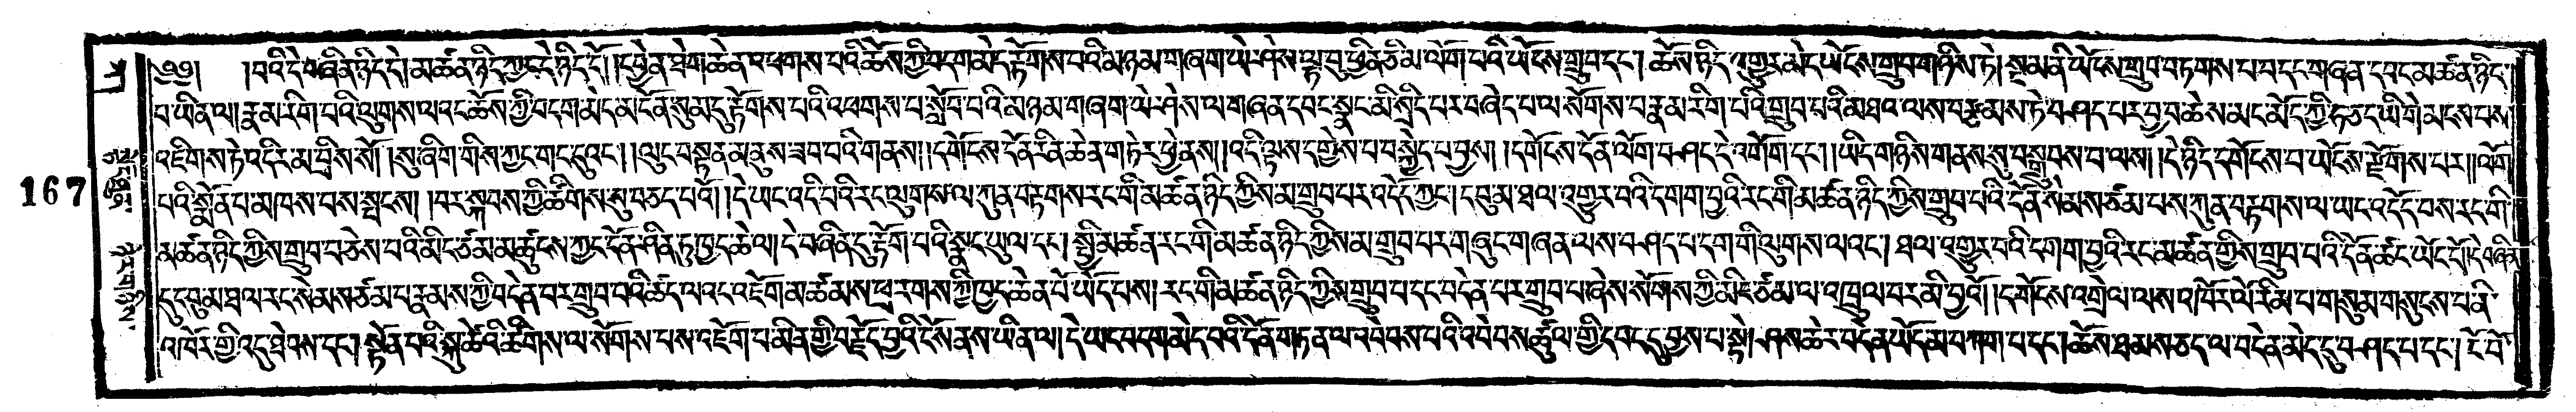༄༅། །བའི་དེ་བཞིན་ཉིད་དེ། མཚན་ཉིད་ཀྱང་དེ་ཉིད་དོ། །དབྱེ་ན་ཐེག་ཆེན་འཕགས་པའི་ཆོས་ཀྱི་བདག་མེད་རྟོགས་པའི་མཉམ་གཞག་ཡེ་ཤེས་ལྟ་བུ་ཕྱིན་ཅི་མ་ལོག་པའི་ཡོངས་གྲུབ་དང་། ཆོས་ཉིད་འགྱུར་མེད་ཡོངས་གྲུབ་གཉིས་ཏེ། སྔ་མ་ནི་ཡོངས་གྲུབ་བཏགས་པ་བ་དང་གཞན་དབང་མཚན་ཉིད་
པ་ཡིན་ལ། རྣམ་རིག་པའི་ལུགས་ལའང་ཆོས་ཀྱི་བདག་མེད་མངོན་སུམ་དུ་རྟོགས་པའི་འཕགས་པ་སློབ་པའི་མཉམ་གཞག་ཡེ་ཤེས་ལ་གཞན་དབང་སྣང་མི་སྲིད་པར་བཞེད་པ་ལ་སོགས་པ་རྣམ་རིག་པའི་གྲུབ་པའི་མཐའ་ལས་བརྩམས་ཏེ་བཤད་པར་བྱ་བ་ཆེས་མང་མོད་ཀྱི་ཧ་ཅང་ཡི་གེ་མངས་བས་
འཇིགས་ཏེ་འདིར་མ་བྲིས་སོ། །སུ་ཞིག་གིས་ཀྱང་གང་དུའང་། །ལུང་བསྟན་མ་ནུས་ཟབ་བའི་གནས། །དགོངས་དོན་རིན་ཆེན་གཏེར་ཕྱེ་ནས། །འདི་ལྟས་དགྱེས་པ་བསྐྱེད་པ་བྱས། །དགོངས་དོན་ལོག་བཤད་དེ་འགོག་དང་། །ཡིད་གཉིས་གནས་སུ་བསྒྲུབས་པ་ལས། །དེ་ཉིད་དགོངས་པ་ཡོངས་རྫོགས་པར། །ལོག་
པའི་སྨོན་པ་མཁས་པས་སྤངས། །བར་སྐབས་ཀྱི་ཚིགས་སུ་བཅད་པའོ། །དེ་ཡང་འདི་པའི་རང་ལུགས་ལ་ཀུན་བརྟགས་རང་གི་མཚན་ཉིད་ཀྱིས་མ་གྲུབ་པར་འདོད་ཀྱང་། དབུ་མ་ཐལ་འགྱུར་བའི་དགག་བྱའི་རང་གི་མཚན་ཉིད་ཀྱིས་གྲུབ་པའི་དོན་སེམས་ཙམ་པས་ཀུན་བརྟགས་ལ་ཡང་འདོད་པས་རང་གི་
མཚན་ཉིད་ཀྱིས་གྲུབ་བ་ཅེས་པའི་མིང་ཙམ་མཚུངས་ཀྱང་དོན་ཤིན་ཏུ་ཁྱད་ཆེ་ལ། དེ་བཞིན་དུ་རྟོག་པའི་སྣང་ཡུལ་དང་། སྤྱི་མཚན་རང་གི་མཚན་ཉིད་ཀྱིས་མ་གྲུབ་པར་གཞུང་གཞན་ལས་བཤད་པ་དག་གི་ལུགས་ལའང་། ཐལ་འགྱུར་བའི་དགག་བྱའི་རང་མཚན་གྱིས་གྲུབ་པའི་དོན་ཚང་ཡོད་དོ། །དེ་བཞིན་
དུ་དབུ་མ་ཐལ་རང་སེམས་ཙམ་པ་རྣམས་ཀྱི་བདེན་པར་གྲུབ་པའི་ཚད་ལའང་འཇོག་མཚམས་ཕྲ་རགས་ཀྱི་ཁྱད་ཆེན་པོ་ཡོད་པས། རང་གི་མཚན་ཉིད་ཀྱིས་གྲུབ་པ་དང་བདེན་པར་གྲུབ་པ་ཞེས་སོགས་ཀྱི་མིང་ཙམ་ལ་འཁྲུལ་བར་མི་བྱའོ། །དགོངས་འགྲེལ་ལས་འཁོར་ལོ་རིམ་པ་གསུམ་གསུངས་པ་ནི་
འཁོར་གྱི་འདུ་ཐེབས་དང་། སྟོན་པའི་སྐུ་ཚེའི་ཚིགས་ལ་སོགས་པས་འཇོག་པ་མིན་གྱི་བརྗོད་བྱའི་ངོས་ནས་ཡིན་ལ། དེ་ཡང་བདག་མེད་པའི་དོན་གཏན་ལ་འབེབས་པའི་འབེབས་ཚུལ་གྱི་དབང་དུ་བྱས་པ་སྟེ། ཤས་ཆེར་བདེན་ཡོད་མ་བཀག་པ་དང་། ཆོས་ཐམས་ཅད་ལ་བདེན་མེད་དུ་བཤད་པ་དང་། ངོ་བོ་